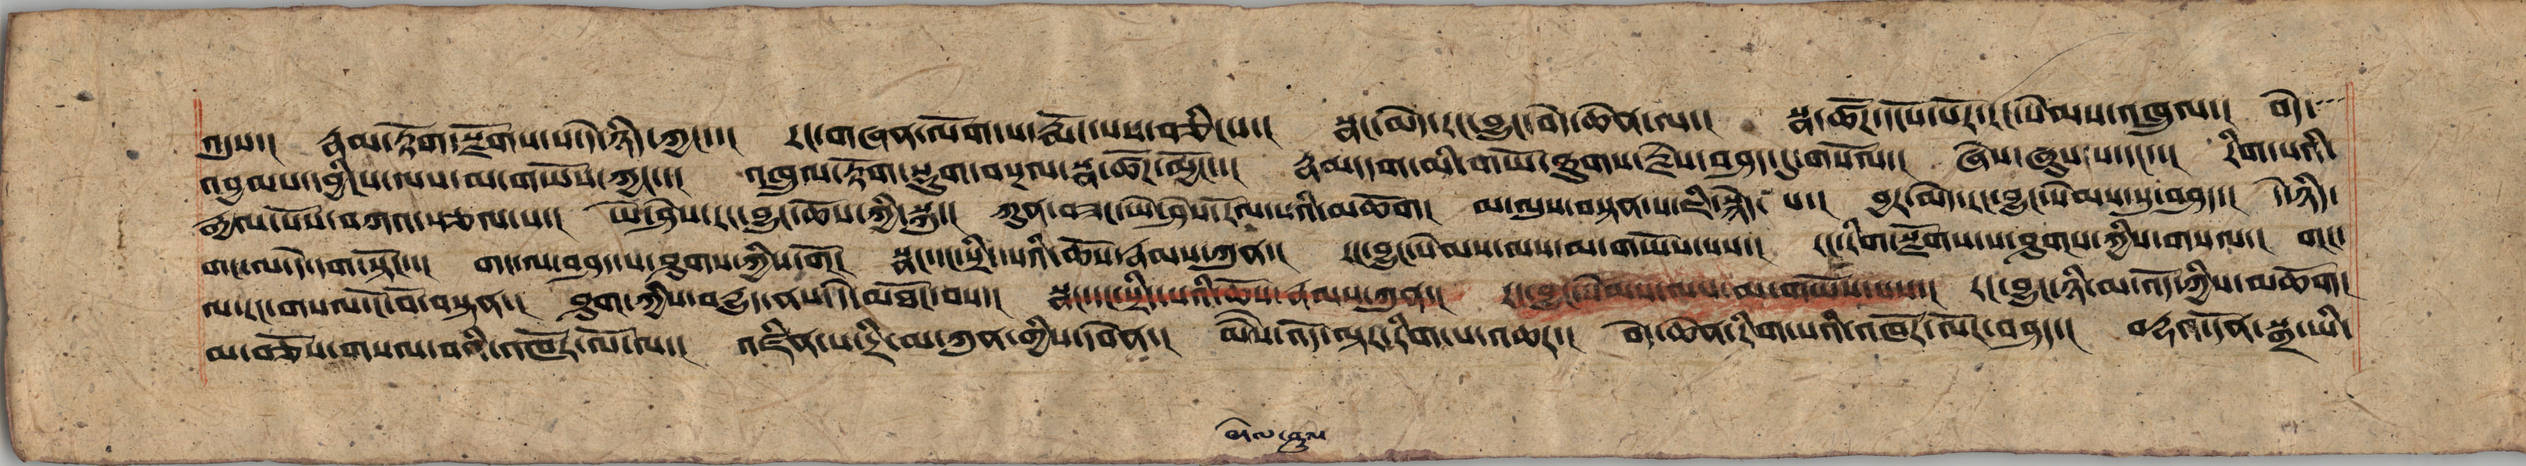འདུས་། རྣམ་རྟོག་སྫོགས་པ་དེ་ཉིད་ཀྱང་། རང་གཞན་ལོག་པ་སྨོད་པས་བཅིངས་། སྣང་མེད་རང་བྱུང་བདེ་ཆེན་ལ་། སྣ་ཚོཌ་དངོས་པོར་རང་སེམས་འཁྲུལ་། བདེ་
འབྱམས་དབྱིངས་ལས་མ་གཡོས་ཀྱང་། འཁྲུལ་རྟོག་སྡུག་བསྔལ་སྣ་ཚོཌ་མྱོང་། རྣམ་དག་མི་གཡོ་ཐུགས་རྗེས་བཤད་དུ་གསོལ་། ཞེས་ཞུས་པ་དང་། རིག་པའི་
རྒྱལ་པོས་བཀའ་སྩལ་པ་། ཡེ་ཤེས་རང་བྱུང་ཆོས་ཀྱི་སྐུ་། ཀུན་བཟང་ཡེ་ཤེས་རོལ་པའི་མཆོག། མ་ལུས་བསྟན་པ་ཇི་སྙེད་པ་། བྱར་མེད་རང་བྱུང་སེམས་སུ་བཤད་། དེ་ཉིད་
གསལ་དེ་དག་སྟོང་་། གང་ལ་བཤད་པ་ཤུགས་ཀྱིས་གོ། སྣང་དང་སྲིད་པའི་ཆོས་རྣམས་ཀུན་། རང་བྱུང་སེམས་ལས་མ་གཡོས་པས་། རང་རིག་སྫོགས་པ་ཤུགས་ཀྱིས་གསལ་། གང་
ལ་རང་གསལ་ངོ་བོ་བསྟན་། ཤུག་ཀྱིས་བདྱུད་ནས་དེ་མཐོང་བས་། སྣང་དང་སྲིད་པའི་ཆོས་རྣམས་ཀུན་། རང་བྱུང་ཉི་མ་འོད་ཀྱིས་མཆོག།
མ་བཅོས་གསལ་བའི་འཁོར་ལོ་ལ་། འཛིན་པ་དྲི་མ་ཀུན་གྱིས་དབེན་། ཡཻས་འོད་ལྟར་རིག་པ་འཆར་། བདེ་ཆེན་རིག་པའི་འཁོར་ལོར་བཤད་། བརྡའ་དོན་སྒྲ་ཡི་